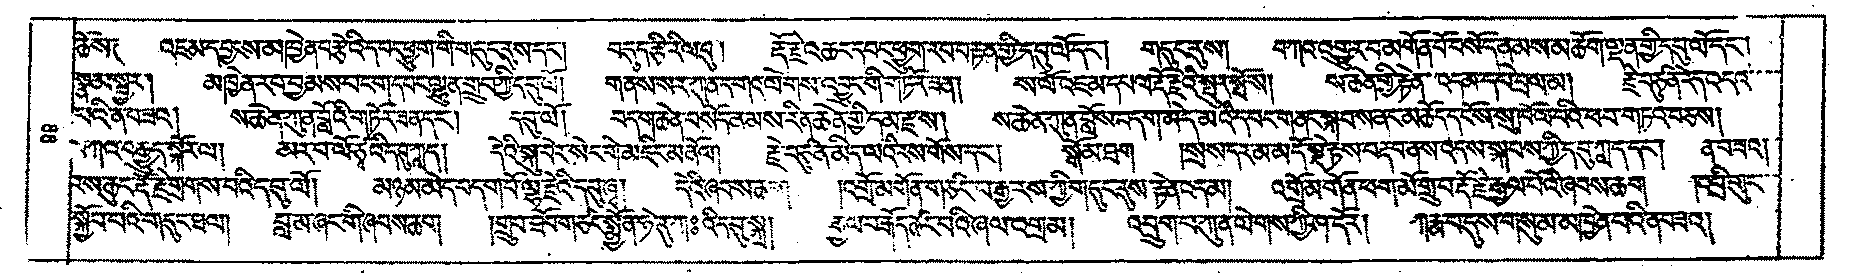ཆོས། འཇམ་དབྱངས་མཁྱེན་བརྩེའི་དབང་ཕྱུག་གི་གདུང་རུས་དང་། བདུད་རྩི་རིལ་བུ། རྡོ་རྗེ་འཆང་དབང་ཕྱུག་རབ་བརྟན་གྱི་དབུ་ལོ་དང་། གདུང་རུས། བཀའ་འགྱུར་བ་མགོན་པོ་བསོད་ནམས་མཆོག་ལྡན་གྱི་དབུ་ལོ་དང་།
སྣམ་སྦྱར། མཁྱེན་རབ་བྱམས་པ་ངག་དབང་ལྷུན་གྲུབ་ཀྱི་དབུ་ལོ། གནས་སར་ཀུན་དགའ་ལེགས་འབྱུང་གི་གཏོར་ཟན། ས་ལོ་འཇམ་དཔལ་རྡོ་རྗེའི་སྤུར་སྤོས། ས་ཆེན་གྱི་རྟེན་འདམ་དཔེ་བྲལ་མ། རྗེ་བཙུན་རེད་འདའ་
པའི་ན་བཟའ། ས་ཆེན་ཀུན་བློའི་གཏོར་ཟན་དང་། དབུ་ལོ། བདག་ཆེན་བསོད་ནམས་རིན་ཆེན་གྱི་དམ་རྫས། ས་ཆེན་ཀུན་བློས་བདག་མེད་མའི་དབང་གནང་སྐབས་ནང་མཆོད་དངོས་སུ་ཁོལ་བའི་ཕབ་གཏའ་བཅས།
བཀའ་བརྒྱུད་སྐོར་ལ། མར་པ་ལོ་ཙཱའི་དབུ་ཀླད། དེའི་སྐུ་བེར་སེང་གེ་མཇིང་མནོལ། རྗེ་བཙུན་མིད་ལའི་རས་གོས་དང་། སྒོམ་ཐག །སྲས་དར་མ་མདོ་སྡེ་རྟས་བརྡབ་ནས་འདས་སྐབས་ཀྱི་དབུ་ཀླད་དང་། ན་བཟའ།
རས་ཆུང་རྡོ་རྗེ་གྲགས་པའི་དབུ་ལོ། མཉམ་མེད་བདག་པོ་ལྷ་རྗེའི་དབུ་ཞྭ། དེའི་ཞབས་ཆག །འགྲོ་མགོན་གཙང་པ་རྒྱ་རས་ཀྱི་གདུང་རུས་རྟེན་འདམ། འགྲོ་མགོན་ཕག་མོ་གྲུ་པ་རྡོ་རྗེ་རྒྱལ་པོའི་ཞབས་ཆག །འབྲི་གུང་
སྐྱོབ་པའི་གདུང་ཐལ། བླ་མ་ཞང་གི་ཞབས་ཆག །གྲུབ་ཐོབ་གཙང་སྨྱོན་ཧེ་རུ་ཀཿའི་དབུ་སྐྲ། རྒྱལ་བ་རྒོད་ཚང་བའི་ཞལ་འགྲམ། འབྲུག་པ་ཀུན་ལེགས་ཀྱི་ཤ་དོར། ཀརྨ་པ་དུས་གསུམ་མཁྱེན་པའི་ན་བཟའ།